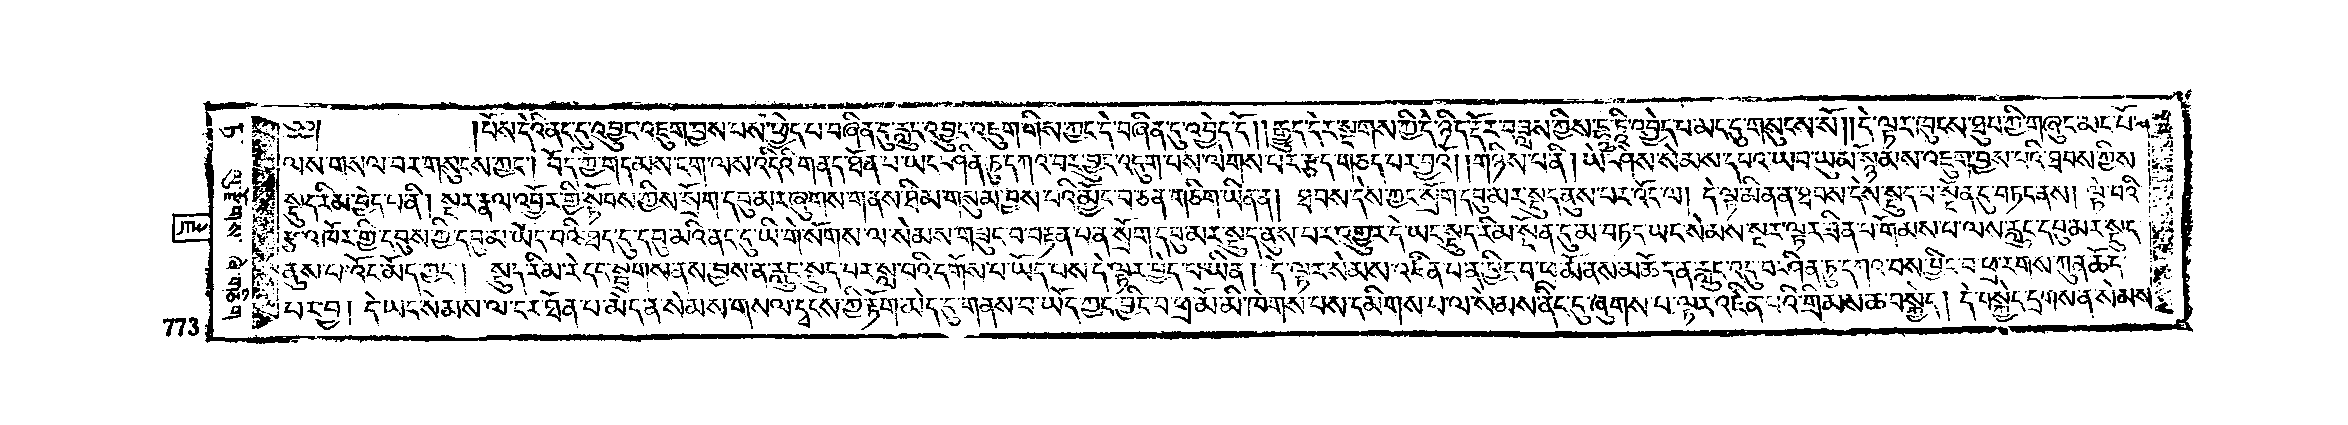༄༅། །པོས་དེའི་ནང་དུ་འབྱུང་འཇུག་བྱས་པས་ཕྱེད་པ་བཞིན་དུ་རླུང་འབྱུང་འཇུག་གིས་ཀྱང་དེ་བཞིན་དུ་འབྱེད་དོ། །རྒྱུད་དེར་སྔགས་ཀྱི་དེ་ཉིད་རྡོར་བཟླས་ཀྱིས་དྷཱུ་ཏཱི་འབྱེད་པ་མང་དུ་གསུངས་སོ། །དེ་ལྟར་ཁུངས་ཐུབ་ཀྱི་གཞུང་མང་པོ་
ལས་གསལ་བར་གསུངས་ཀྱང་། བོད་ཀྱི་གདམས་ངག་ལས་འདིའི་གནད་ཐོན་པ་ཡང་ཤིན་ཏུ་དཀའ་བར་བྱུང་འདུག་པས་ལེགས་པར་རྩད་གཅད་པར་བྱའོ། །གཉིས་པ་ནི། ཡེ་ཤེས་སེམས་དཔའ་ཡབ་ཡུམ་སྙོམས་འཇུག་བྱས་པའི་ཐབས་ཀྱིས་
སྡུད་རིམ་བྱེད་པ་ནི། སྔར་རྣལ་འབྱོར་གྱི་སྟོབས་ཀྱིས་སྲོག་དབུ་མར་ཞུགས་གནས་ཐིམ་གསུམ་བྱས་པའི་མྱོང་བ་ཅན་གཅིག་ཡིན་ན། ཐབས་དེས་ཀྱང་སྲོག་དབུ་མར་སྡུད་ནུས་པར་འོང་ལ། དེ་ལྟ་མིན་ན་ཐབས་དེས་སྡུད་པ་སྔོན་དུ་བཏང་ནས། ལྟེ་བའི་
རྩ་འཁོར་གྱི་དབུས་ཀྱི་དབུ་མ་ཡོད་པའི་ཐད་དུ་དབུ་མའི་ནང་དུ་ཡི་གེ་སོགས་ལ་སེམས་གཟུང་བ་བརྟན་པ་ན་སྲོག་དབུ་མར་སྡུད་ནུས་པར་འགྱུར་དེ་ཡང་སྡུད་རིམ་སྔོན་དུ་མ་བཏང་ཡང་སེམས་སྔར་ལྟར་ཟིན་པ་གོམས་པ་ལས་རླུང་དབུ་མར་སྡུད་
ནུས་པ་འོང་མོད་ཀྱང་། སྡུད་རིམ་རེ་དང་སྦྲགས་ནས་བྱས་ན་རླུང་སྡུད་པར་སླ་བའི་དགོས་པ་ཡོད་པས་དེ་ལྟར་བྱེད་པ་ཡིན། དེ་ལྟར་སེམས་འཛིན་པ་ན་བྱིང་བ་ཕྲ་མོ་ནས་མ་ཆོད་ན་རླུང་འདུ་བ་ཤིན་ཏུ་དཀའ་བས་བྱིང་བ་ཕྲ་རགས་ཀུན་ཆོད་
པར་བྱ། དེ་ཡང་སེམས་ལ་ངར་ཐོན་པ་མེད་ན་སེམས་གསལ་དྭངས་ཀྱི་རྟོག་མེད་དུ་གནས་པ་ཡོད་ཀྱང་བྱིང་བ་ཕྲ་མོ་མི་ཁེགས་པས་དམིགས་པ་ལ་སེམས་ནང་དུ་ཞུགས་པ་ལྟར་འཛིན་པའི་གྲིམས་ཆ་བསྐྱེད། དེ་བསྐྱེད་དྲགས་ན་སེམས་